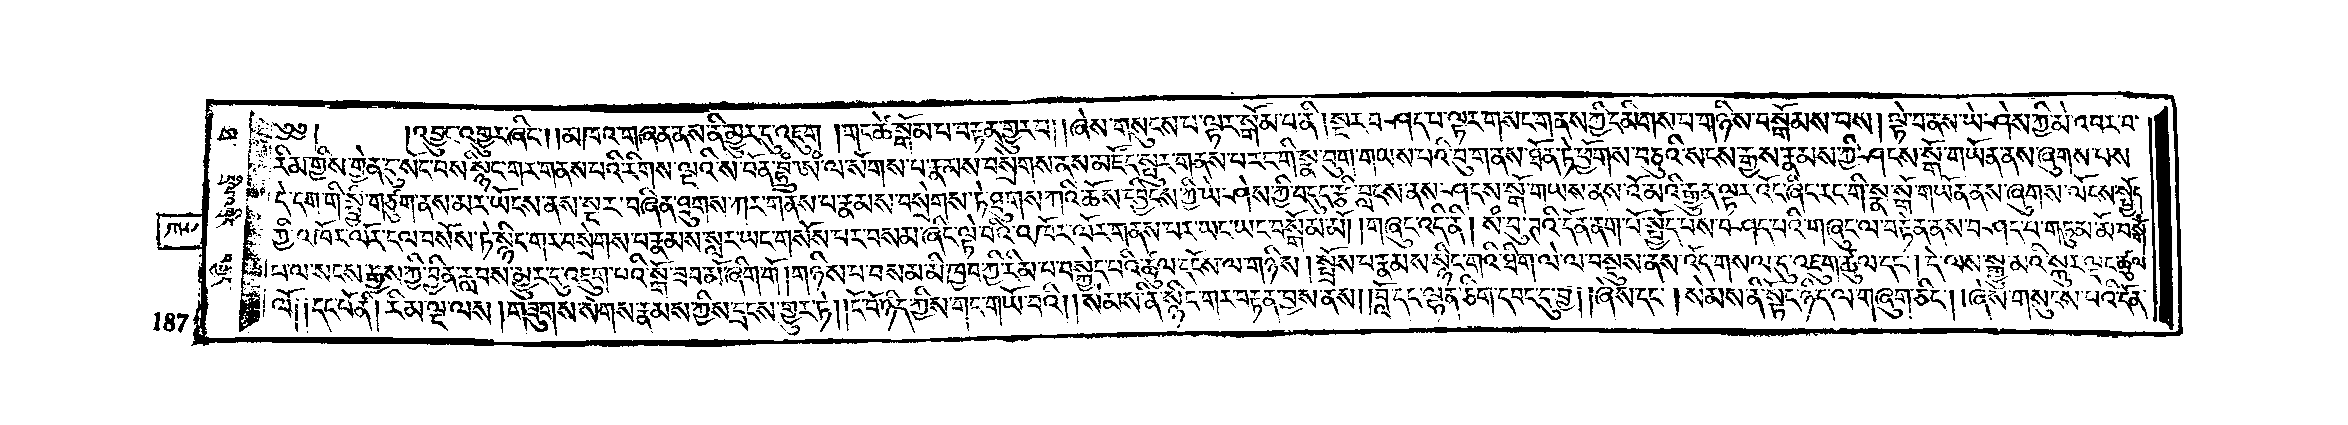༄༅། །འབྱུང་འགྱུར་ཞིང་། །མཁའ་གཞན་ནས་ནི་མྱུར་དུ་འཇུག །གང་ཚེ་སྒོམ་པ་བརྟན་གྱུར་པ། །ཞེས་གསུངས་པ་ལྟར་སྒོམ་པ་ནི། སྔར་བཤད་པ་ལྟར་གསང་གནས་ཀྱི་དམིགས་པ་གཉིས་བསྒོམས་པས། ལྟེ་བ་ནས་ཡེ་ཤེས་ཀྱི་མེ་འབོར་བ་
རིམ་གྱིས་གྱེན་དུ་སོང་བས་སྙིང་གར་གནས་པའི་རིགས་ལྔའི་ས་བོན་བྷྲུཾ་ཨཾ་ལ་སོགས་པ་རྣམས་བསྲེགས་ནས་མཛོད་སྤུར་གནས་པ་རང་གི་སྣ་བུག་གཡས་པའི་བུ་ག་ནས་ཐོན་ཏེ་ཕྱོགས་བཅུའི་སངས་རྒྱས་རྣམས་ཀྱི་ཤངས་སྒོ་གཡོན་ནས་ཞུགས་པས་
དེ་དག་གི་སྤྱི་གཙུག་ནས་མར་ཡོངས་ནས་སྔར་བཞིན་ཐུགས་ཀར་གནས་པ་རྣམས་བསྲེགས་ཏེ་ཐུགས་ཀའི་ཆོས་དབྱིངས་ཀྱི་ཡེ་ཤེས་ཀྱི་བདུད་རྩི་བླངས་ནས་ཤངས་སྒོ་གཡས་ནས་འོ་མའི་རྒྱུན་ལྟར་འོང་ཞིང་རང་གི་སྣ་སྒོ་གཡོན་ནས་ཞུགས་ལོངས་སྤྱོད་
ཀྱི་འཁོར་ལོར་ངལ་བསོས་ཏེ་སྙིང་གར་བསྲེགས་པ་རྣམས་སླར་ཡང་གསོས་པར་བསམ་ཞིང་ལྟེ་བའི་འཁོར་ལོར་གནས་པར་ཡང་ཡང་བསྒོམ་མོ། །གཞུང་འདི་ནི། སཾ་བུ་ཊའི་དོན་ནག་པོ་སྤྱོད་པས་བཤད་པའི་གཞུང་ལ་བརྟེན་ནས་བཤད་པ་གཏུམ་མོ་བསྒོམ་
པ་ལ་སངས་རྒྱས་ཀྱི་བྱིན་རླབས་མྱུར་དུ་འཇུག་པའི་སྒོ་ཟབ་མོ་ཞིག་གོ །གཉིས་པ་བསམ་མི་ཁྱབ་ཀྱི་རིམ་པ་བསྐྱེད་པའི་ཚུལ་དངོས་ལ་གཉིས། སྤྲོས་པ་རྣམས་སྙིང་གའི་ཐིག་ལེ་ལ་བསྡུས་ནས་འོད་གསལ་དུ་འཇུག་ཚུལ་དང་། དེ་ལས་སྒྱུ་མའི་སྐུར་ལྡང་ཚུལ་
ལོ། །དང་པོ་ནི། རིམ་ལྔ་ལས། གཟུགས་སོགས་རྣམས་ཀྱིས་དྲངས་གྱུར་ཏེ། །ངོ་བོ་ཉིད་ཀྱིས་གང་གཡོ་བའི། །སེམས་ནི་སྙིང་གར་བརྟན་བྱས་ནས། །བློ་དང་ལྷན་ཅིག་དབང་དུ་བྱ། །ཞེས་དང་། སེམས་ནི་སྟོང་ཉིད་ལ་གཞུག་ཅིང་། །ཞེས་གསུངས་པའི་དོན་